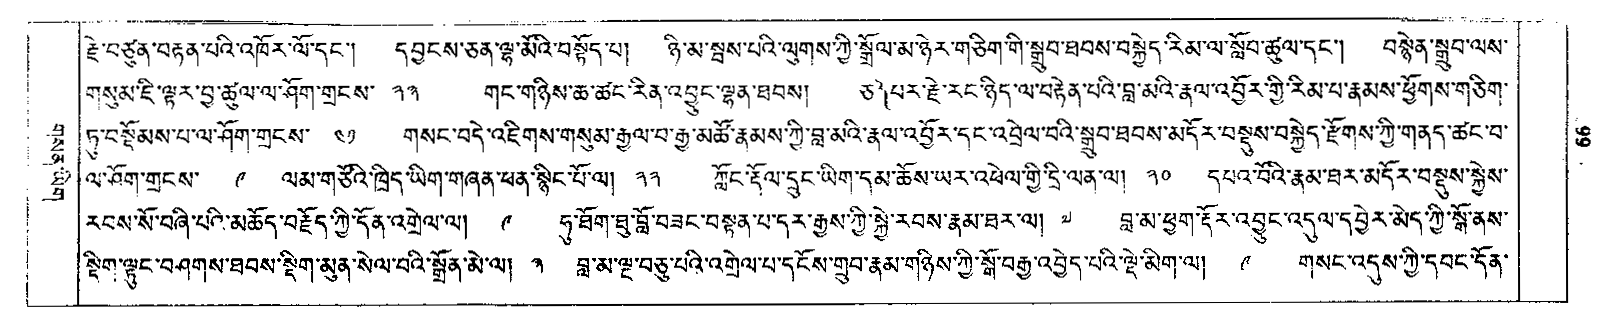རྗེ་བཙུན་བརྟན་པའི་འཁོར་ལོ་དང་། དབྱངས་ཅན་ལྷ་མོའི་བསྟོད་པ། ཉི་མ་སྦས་པའི་ལུགས་ཀྱི་སྒྲོལ་མ་ཉེར་གཅིག་གི་སྒྲུབ་ཐབས་བསྐྱེད་རིམ་ལ་སློབ་ཚུལ་དང་། བསྙེན་སྒྲུབ་ལས་
གསུམ་ཇི་ལྟར་བྱ་ཚུལ་ལ་ཤོག་གྲངས ༢༣་གང་གཉིས་ཆ་ཚང་རིན་འབྱུང་ལྷན་ཐབས། ཅ྄་པར་རྗེ་རང་ཉིད་ལ་བརྟེན་པའི་བླ་མའི་རྣལ་འབྱོར་གྱི་རིམ་པ་རྣམས་ཕྱོགས་གཅིག་
ཏུ་བསྡོམས་པ་ལ་ཤོག་གྲངས ༤༡་གསང་བདེ་འཇིགས་གསུམ་རྒྱལ་བ་རྒྱ་མཚོ་རྣམས་ཀྱི་བླ་མའི་རྣལ་འབྱོར་དང་འབྲེལ་བའི་སྒྲུབ་ཐབས་མདོར་བསྡུས་བསྐྱེད་རྫོགས་ཀྱི་གནད་ཚང་བ་
ལ་ཤོག་གྲངས ༩་ལམ་གཙོའི་ཁྲིད་ཡིག་གཞན་ཕན་སྙིང་པོ་ལ། ༢༢་ཀློང་རྡོལ་དྲུང་ཡིག་དམ་ཆོས་ཡར་འཕེལ་གྱི་དྲི་ལན་ལ། ༢༠་དཔའ་བོའི་རྣམ་ཐར་མདོར་བསྡུས་སྐྱེས་
རབས་སོ་བཞི་པའི་མཆོད་བརྗོད་ཀྱི་དོན་འགྲེལ་ལ། ༩་ཧུ་ཐོག་ཐུ་བློ་བཟང་བསྟན་པ་དར་རྒྱས་ཀྱི་སྐྱེ་རབས་རྣམ་ཐར་ལ། ༧་བླ་མ་ཕྱག་རྡོར་འབྱུང་འདུལ་དབྱེར་མེད་ཀྱི་སྒོ་ནས་
སྡིག་ལྟུང་བཤགས་ཐབས་སྡིག་མུན་སེལ་བའི་སྒྲོན་མེ་ལ། ༣་བླ་མ་ལྔ་བཅུ་པའི་འགྲེལ་པ་དངོས་གྲུབ་རྣམ་གཉིས་ཀྱི་སྒོ་བརྒྱ་འབྱེད་པའི་ལྡེ་མིག་ལ། ༩་གསང་འདུས་ཀྱི་དབང་དོན་